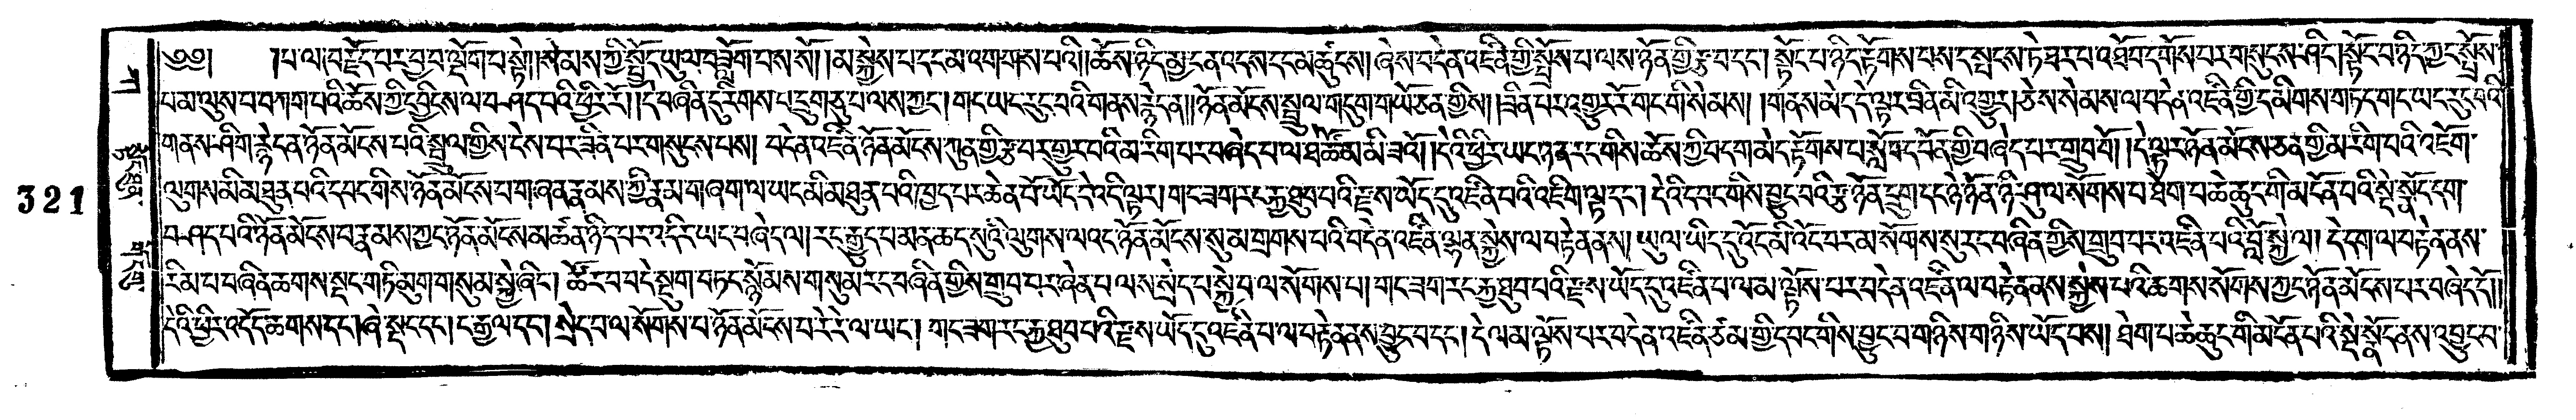༄༅། །པ་ལ༑ བརྗོད་བར་བྱ་བ་ལྡོག་པ་སྟེ། །སེམས་ཀྱི་སྤྱོད་ཡུལ་བཟློག་པས་སོ། །མ་སྐྱེས་པ་དང་མ་འགགས་པའི། །ཆོས་ཉིད་མྱ་ངན་འདས་དང་མཚུངས། ཞེས་བདེན་འཛིན་གྱི་སྤྲོས་པ་ལས་ཉོན་གྱི་རྩ་བ་དང་། སྟོང་པ་ཉིད་རྟོགས་པས་ད་སྤངས་ཏེ་ཐར་པ་འཐོབ་དགོས་པར་གསུངས་ཤིང་། སྟོང་པ་ཉིད་ཀྱང་སྤྲོས་
པ་མ་ལུས་པ་བཀག་པའི་ཆོས་ཀྱི་དབྱིངས་ལ་བཤད་པའི་ཕྱིར་རོ། །དེ་བཞིན་དུ་རིགས་པ་དྲུག་ཅུ་པ་ལས་ཀྱང་། གང་ཡང་རུང་བའི་གནས་རྙེད་ན། །ཉོན་མོངས་སྦྲུལ་གདུག་གཡོ་ཅན་གྱིས། །ཟིན་པར་འགྱུར་རོ་གང་གི་སེམས། །གནས་མེད་དེ་ལྟར་ཟིན་མི་འགྱུར། ཅེས་སེམས་ལ་བདེན་འཛིན་གྱི་དམིགས་གཏད་གང་ཡང་རུང་བའི་
གནས་ཤིག་རྙེད་ན་ཉོན་མོངས་པའི་སྦྲུལ་གྱིས་ངེས་བར་ཟིན་པར་གསུངས་པས། བདེན་འཛིན་ཉོན་མོངས་ཀུན་གྱི་རྩ་བར་གྱུར་བའི་མ་རིག་པར་བཞེད་པ་ལ་ཐེ་ཚོམ་མི་ཟའོ། །དེའི་ཕྱིར་ཡང་ཉན་རང་གིས་ཆོས་ཀྱི་བདག་མེད་རྟོགས་པ་སློབ་དཔོན་གྱི་བཞེད་པར་གྲུབ་བོ། །དེ་ལྟར་ཉོན་མོངས་ཅན་གྱི་མ་རིག་པའི་འཇོག་
ལུགས་མི་མཐུན་པའི་དབང་གིས་ཉོན་མོངས་པ་གཞན་རྣམས་ཀྱི་རྣམ་གཞག་ལ་ཡང་མི་མཐུན་བའི་ཁྱད་པར་ཆེན་པོ་ཡོད་དེ་འདི་ལྟར། གང་ཟག་རང་རྐྱ་ཐུབ་པའི་རྫས་ཡོད་དུ་འཛིན་པའི་འཇིག་ལྟ་དང་། དེའི་དབང་གིས་བྱུང་བའི་རྩ་ཉོན་དྲུག་དང་ཉེ་ཉོན་ཉི་ཤུ་ལ་སོགས་པ་ཐེག་པ་ཆེ་ཆུང་གི་མངོན་པའི་སྡེ་སྣོད་དག་
བཤད་པའི་ཉོན་མོངས་པ་རྣམས་ཀྱང་ཉོན་མོངས་མཚན་ཉིད་པར་འདིར་ཡང་བཞེད་ལ། རང་རྒྱུད་པ་མན་ཆད་སུའི་ལུགས་ལའང་ཉོན་མོངས་སུ་མ་གྲགས་པའི་བདེན་འཛིན་ལྷན་སྐྱེས་ལ་བརྟེན་ནས། ཡུལ་ཡིད་དུ་འོང་མི་འོད་པར་མ་སོགས་སུ་རང་བཞིན་གྱིས་གྲུབ་པར་འཛིན་པའི་བློ་སྐྱེ་ལ། དེ་དག་ལ་བརྟེན་ནས་
རིམ་པ་བཞིན་ཆགས་སྡང་གཏི་མུག་གསུམ་སྐྱེ་ཞིང་། ཚོར་བ་བདེ་སྡུག་བཏང་སྙོམས་གསུམ་རང་བཞིན་གྱིས་གྲུབ་པར་ཞེན་པ་ལས་སྲེད་པ་སྐྱེ་བ་ལ་སོགས་པ། གང་ཟག་རང་རྐྱ་ཐུབ་པའི་རྫས་ཡོད་དུ་འཛིན་པ་ལམ་ལྟོས་པར་བདེན་འཛིན་ལ་བརྟེན་ནས་སྐྱེས་པའི་ཆགས་སོགས་ཀྱང་ཉོན་མོངས་པར་བཞེད་དོ།།
དེའི་ཕྱིར་འདོད་ཆགས་དང་། ཞེ་སྡང་དང་། ང་རྒྱལ་དང་། སྲེད་པ་ལ་སོགས་པ་ཉོན་མོངས་པ་རེ་རེ་ལ་ཡང་། གང་ཟག་རང་རྐྱ་ཐུབ་པའི་རྫས་ཡོད་དུ་འཛིན་པ་ལ་བརྟེན་ནས་བྱུང་བ་དང་། དེ་ལམ་ལྟོས་པར་བདེན་འཛིན་ཙམ་གྱི་དབང་གིས་བྱུང་བ་གཉིས་གཉིས་ཡོད་པས། ཐེག་པ་ཆེ་ཆུང་གི་མངོན་པའི་སྡེ་སྣོད་ནས་འབྱུང་བ་